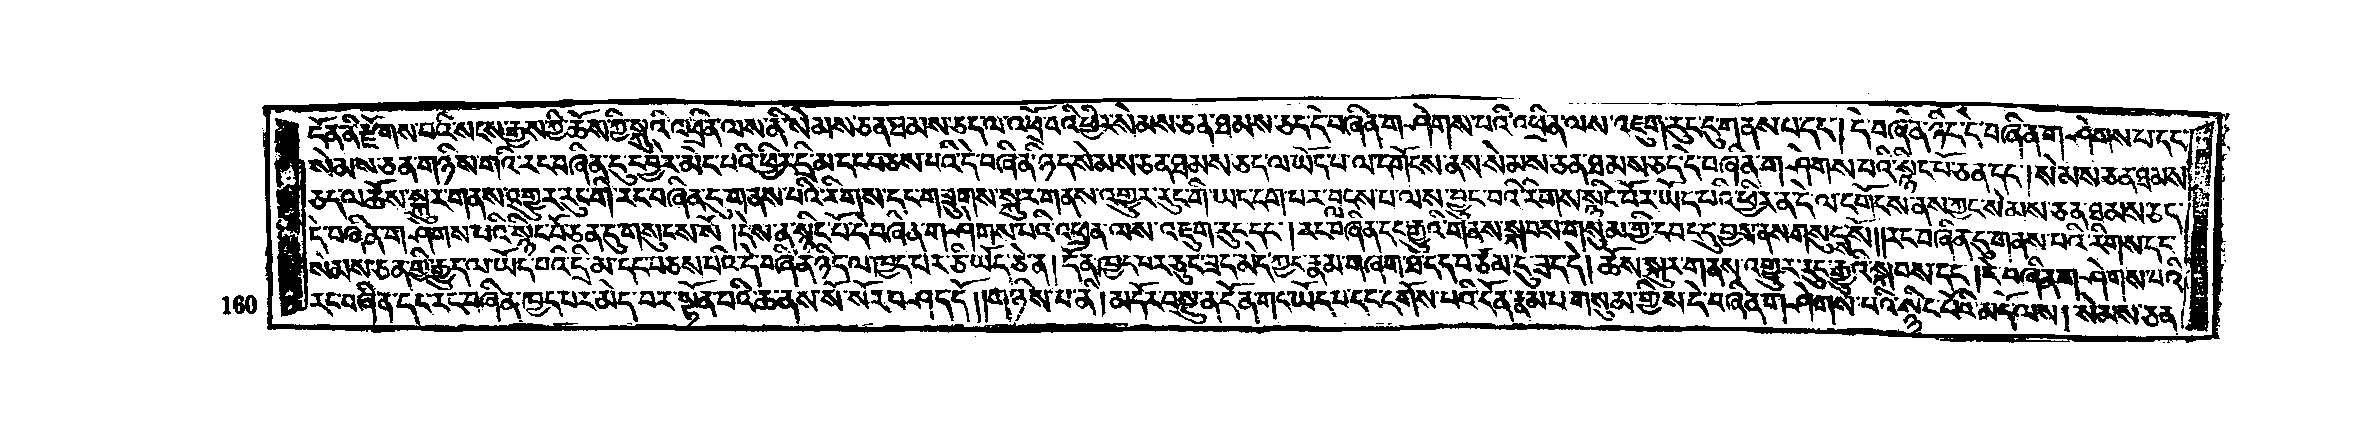དོན་ནི་རྫོགས་པའི་སངས་རྒྱས་ཀྱི་ཆོས་ཀྱི་སྐུའི་འཕྲིན་ལས་ནི་སེམས་ཅན་ཐམས་ཅད་ལ་འཕྲོ་བའི་ཕྱིར་སེམས་ཅན་ཐམས་ཅད་དེ་བཞིན་གཤེགས་པའི་འཕྲིན་ལས་འཇུག་རུང་དུ་གནས་པ་དང་། དེ་བཞིན་ཉིད་དེ་བཞིན་གཤེགས་པ་དང་
སེམས་ཅན་གཉིས་གའི་རང་བཞིན་དུ་དབྱེར་མེད་པའི་ཕྱིར་དྲི་མ་དང་བཅས་པའི་དེ་བཞིན་ཉིད་སེམས་ཅན་ཐམས་ཅད་ལ་ཡོད་པ་ལ་དགོངས་ནས་སེམས་ཅན་ཐམས་ཅད་དེ་བཞིན་གཤེགས་པའི་སྙིང་པོ་ཅན་དང་། སེམས་ཅན་ཐམས་
ཅད་ལ་ཆོས་སྐུར་གནས་འགྱུར་རུང་གི་རུང་བཞིན་དུ་གནས་པའི་རིགས་དང་གཟུགས་སྐུར་གནས་འགྱུར་རུང་གི་ཡང་དག་པར་བླངས་པ་ལས་བྱུང་བའི་རིགས་སྙིང་པོར་ཡོད་པའི་ཕྱིར་ན་དེ་ལ་དགོངས་ནས་ཀྱང་སེམས་ཅན་ཐམས་ཅད་
དེ་བཞིན་གཤེགས་པའི་སྙིང་པོ་ཅན་དུ་གསུངས་སོ། །དེས་ན་སྙིང་པོ་དེ་བཞིན་གཤེགས་པའི་འཕྲན་ལས་འཇུག་རུང་དང་། རང་བཞིན་དང་རྒྱུའི་གནས་སྐབས་གསུམ་གྱི་དབང་དུ་བྱས་ནས་གསུངས་སོ། །རང་བཞིན་དུ་གནས་པའི་རིགས་དང་
སེམས་ཅན་གྱི་རྒྱུད་ལ་ཡོད་པའི་དྲི་མ་དང་བཅས་པའི་དེ་བཞིན་ཉིད་ལ་ཁྱད་པར་ཅི་ཡོད་ཅེ་ན། དོན་ཁྱད་པར་ཅུང་ཟད་མེད་ཀྱང་རྣམ་གཞག་ཐ་དད་པ་ཙམ་དུ་ཟད་དེ། ཆོས་སྐུར་གནས་འགྱུར་རུང་རྒྱུའི་སྐབས་དང་། དེ་བཞིན་གཤེགས་པའི་
རང་བཞིན་དང་རང་བཞིན་ཁྱད་པར་མེད་པར་སྟོན་པའི་ཆ་ནས་སོ་སོར་བཤད་དོ། །གཉིས་པ་ནི། མདོར་བསྡུ་ན་དོན་གང་ཡོད་པ་དང་དགོས་པའི་དོན་རྣམ་པ་གསུམ་གྱིས་དེ་བཞིན་གཤེགས་པའི་སྙིང་པོའི་མདོ་ལས། སེམས་ཅན་